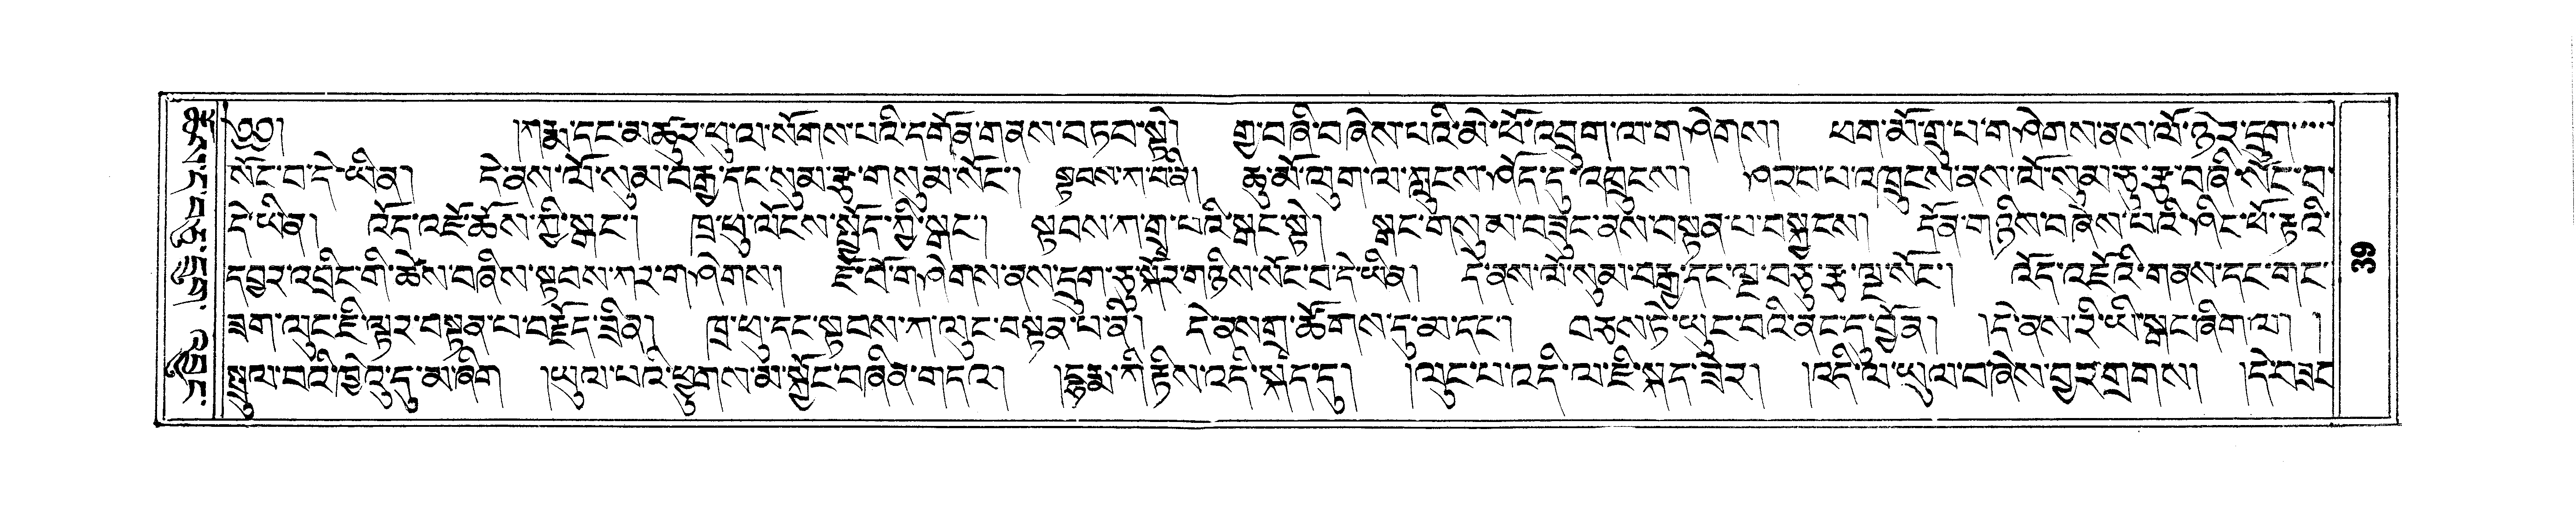༄༅། །ཀརྨ་དང་མཚུར་ཕུ་ལ་སོགས་པའི་དགོན་གནས་བཏབ་སྟེ། གྱ་བཞི་བཞེས་པའི་མེ་ཕོ་འབྲུག་ལ་གཤེགས། ཕག་མོ་གྲུ་པ་གཤེགས་ནས་ལོ་ཉེར་དྲུག་
སོང་བ་དེ་ཡིན། དེ་ནས་ལོ་སུམ་བརྒྱ་དང་སུམ་རྩ་གསུམ་སོང་། སྟབས་ཀ་བ་ནི། ཆུ་མོ་ལུག་ལ་ཀླུངས་ཤོད་དུ་འཁྲུངས། ཤར་བ་པ་འཁྲུངས་ནས་ལོ་སུམ་ཅུ་རྩ་བཞི་སོང་བ་
དེ་ཡིན། འོད་འཇོ་ཆོས་ཀྱི་སྒང་། ཁྲ་ཕུ་ལོངས་སྤྱོད་ཀྱི་སྒང་། སྟབས་ཀ་གྲྭ་པའི་སྒང་སྟེ། སྒང་གསུམ་བཟུང་ནས་བསྟན་པ་བསྐྱངས། དོན་གཉིས་བཞེས་པའི་ཤིང་ཕོ་རྟའི་
དབྱར་འབྲིང་གི་ཚེས་བཞིས་སྟབས་ཀར་གཤེགས། ཇོ་བོ་གཤེགས་ནས་དྲུག་ཅུ་སྐོར་གཉིས་སོང་བ་དེ་ཡིན། དེ་ནས་ལོ་སུམ་བརྒྱ་དང་ལྔ་བཅུ་རྩ་ལྔ་སོང་། འོད་འཇོའི་གནས་དང་གང་
ཟག་ལུང་ཇི་ལྟར་བསྟན་པ་བརྗོད་ཟིན། ཁྲ་ཕུ་དང་སྟབས་ཀ་ལུང་བསྟན་པ་ནི། དེ་ནས་གྲྭ་ཚོགས་དུ་མ་དང་། བཅས་ཏེ་ཡུང་བའི་ནང་དུ་བྱོན། །དེ་ནས་རི་ཡི་སྒང་ཞིག་ལ། །
སྤྲུལ་བའི་ཁྱེའུ་དུ་མ་ཞིག །ཡུལ་པའི་ཕྱུགས་མ་སྐྱོང་བཞིན་གདའ། །དྷརྨ་ཀིརྟིས་འདི་སྐད་དུ། །ལུང་པ་འདི་ལ་ཇི་སྐད་ཟེར། །འདི་ལ་ཡུལ་བ་ཞེས་བྱར་གྲགས། །དེ་བཟང་